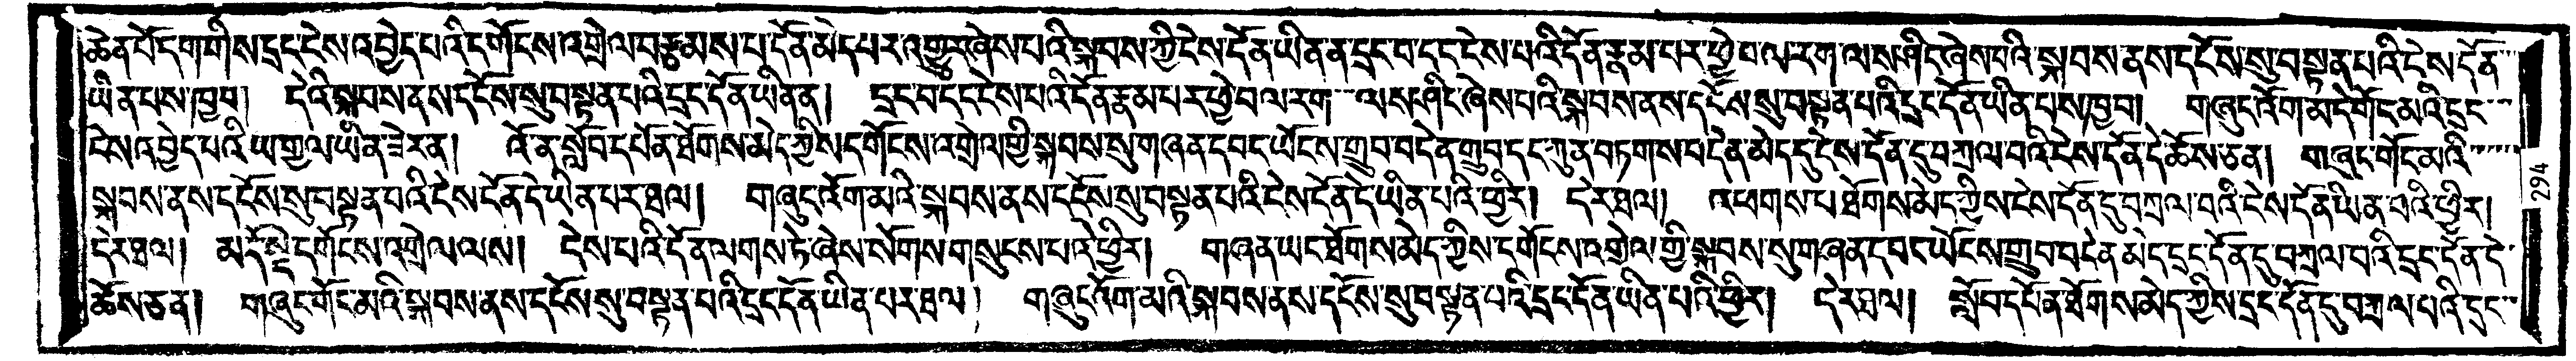ཆེན་པོ་དག་གིས་དྲང་ངེས་འབྱེད་པའི་དགོངས་འགྲེལ་བརྩམས་པ་དོན་མེད་པར་འགྱུར་ཞེས་པའི་སྐབས་ཀྱི་ངེས་དོན་ཡིན་ན་དྲང་བ་དང་ངེས་པའི་དོན་རྣམ་པར་ཕྱེ་བ་ལ་རག་ལས་ཤིང་ཞེས་པའི་སྐབས་ནས་དངོས་སུ་བསྟན་པའི་ངེས་དོན་
ཡིན་པས་ཁྱབ། དེའི་སྐབས་ནས་དངོས་སུ་བསྟན་པའི་དྲང་དོན་ཡིན་ན། དྲང་བ་དང་ངེས་པའི་དོན་རྣམ་པར་ཕྱེ་བ་ལ་རག་ལས་ཤིང་ཞེས་པའི་སྐབས་ནས་དངོས་སུ་བསྟན་པའི་དྲང་དོན་ཡིན་པས་ཁྱབ། གཞུང་འོག་མ་དེ་གོང་མའི་དྲང་
ངེས་འབྱེད་པའི་ཡ་གྱལ་ཡིན་ཟེར་ན། འོ་ན་སློབ་དཔོན་ཐོགས་མེད་ཀྱིས་དགོངས་འགྲེལ་གྱི་སྐབས་སུ་གཞན་དབང་ཡོངས་གྲུབ་བདེན་གྲུབ་དང་ཀུན་བཏགས་བདེན་མེད་དུ་ངེས་དོན་དུ་བཀྲལ་བའི་ངེས་དོན་དེ་ཆོས་ཅན། གཞུང་གོང་མའི་
སྐབས་ནས་དངོས་སུ་བསྟན་པའི་ངེས་དོན་དེ་ཡིན་པར་ཐལ། གཞུང་འོག་མའི་སྐབས་ནས་དངོས་སུ་བསྟན་པའི་ངེས་དོན་དེ་ཡིན་པའི་ཕྱིར། དེར་ཐལ། འཕགས་པ་ཐོགས་མེད་ཀྱིས་ངེས་དོན་དུ་བཀྲལ་བའི་ངེས་དོན་ཡིན་པའི་ཕྱིར།
དེར་ཐལ། མདོ་སྡེ་དགོངས་འགྲེལ་ལས། ངེས་པའི་དོན་ལགས་ཏེ་ཞེས་སོགས་གསུངས་པའི་ཕྱིར། གཞན་ཡང་ཐོགས་མེད་ཀྱིས་དགོངས་འགྲེལ་གྱི་སྐབས་སུ་གཞན་དབང་ཡོངས་གྲུབ་བདེན་མེད་དྲང་དོན་དུ་བཀྲལ་བའི་དྲང་དོན་དེ་
ཆོས་ཅན། གཞུང་གོང་མའི་སྐབས་ནས་དངོས་སུ་བསྟན་པའི་དྲང་དོན་ཡིན་པར་ཐལ། གཞུང་འོག་མའི་སྐབས་ནས་དངོས་སུ་བསྟན་པའི་དྲང་དོན་ཡིན་པའི་ཕྱིར། དེར་ཐལ། སློབ་དཔོན་ཐོགས་མེད་ཀྱིས་དྲང་དོན་དུ་བཀྲལ་བའི་དྲང་